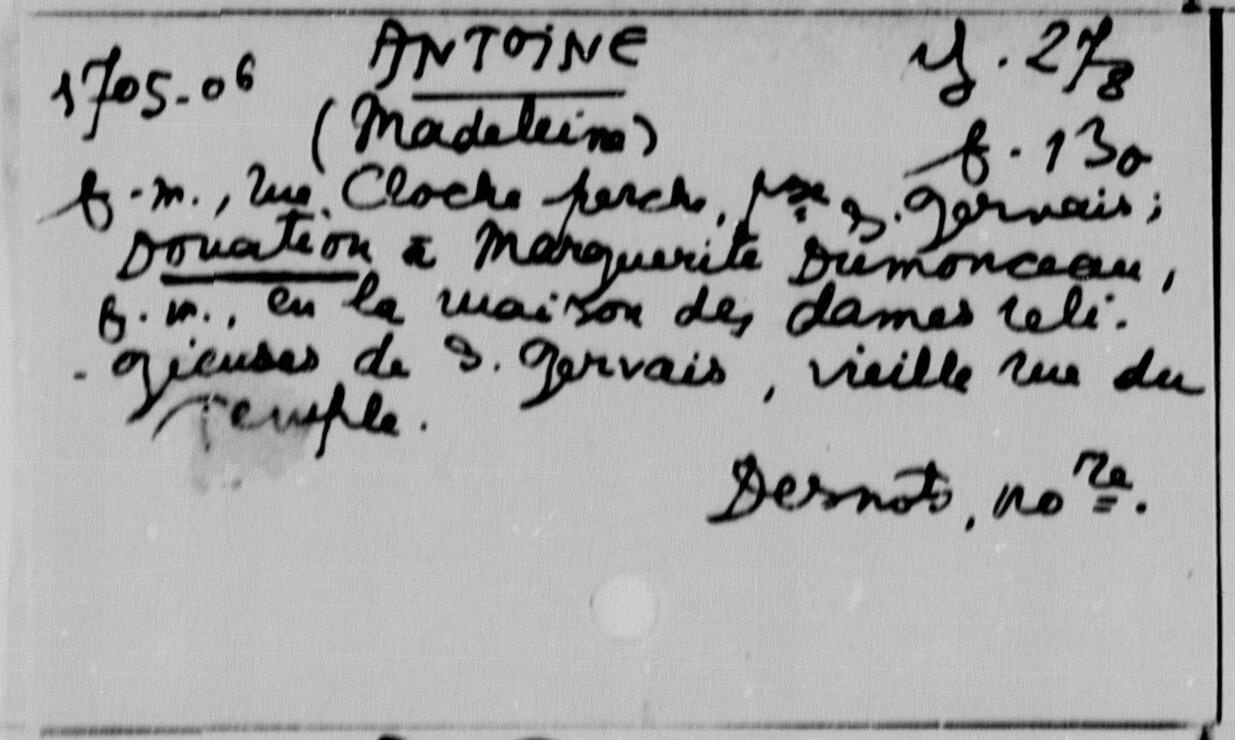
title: ANTOINE (Madeleine)
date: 1705-1706
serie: Y
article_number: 278
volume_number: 130
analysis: Fille majeure, rue Cloche-Perce, paroisse Saint-Gervais. Donation à Marguerite DUMONCEAU, fille majeure, en la maison des dames religieuses de Saint-Gervais, vieille rue du Temple. Desnots, notaire.
